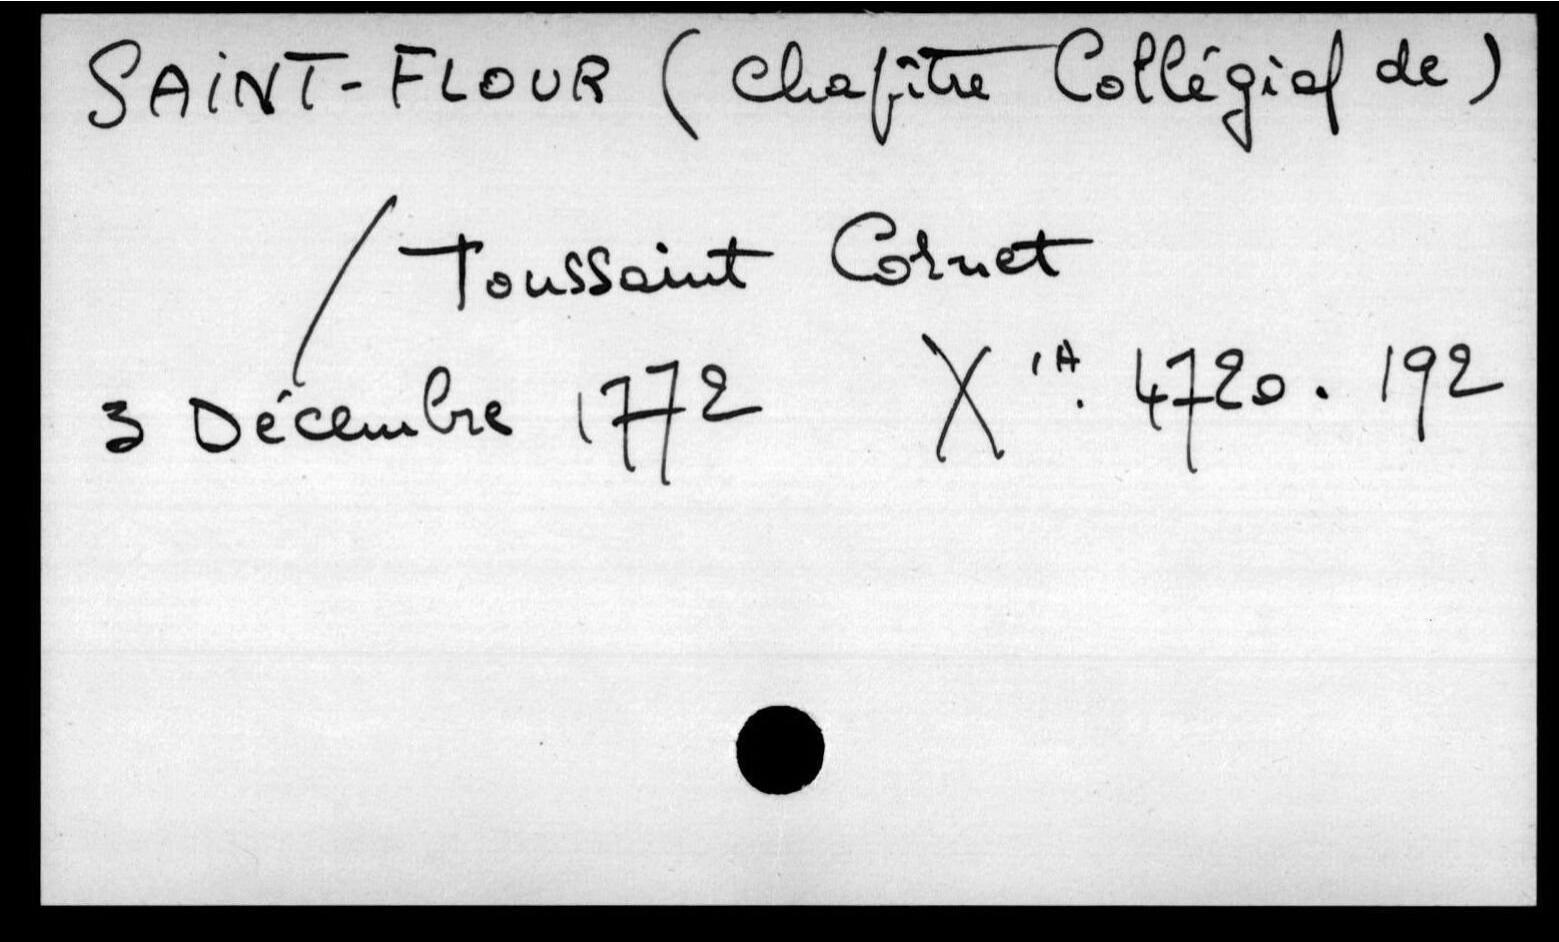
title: SAINT-FLOUR (Chapitre Collégial de)
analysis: Contre Toussaint Cornet
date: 3 décembre 1772
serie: X1A
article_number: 4720
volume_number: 192
